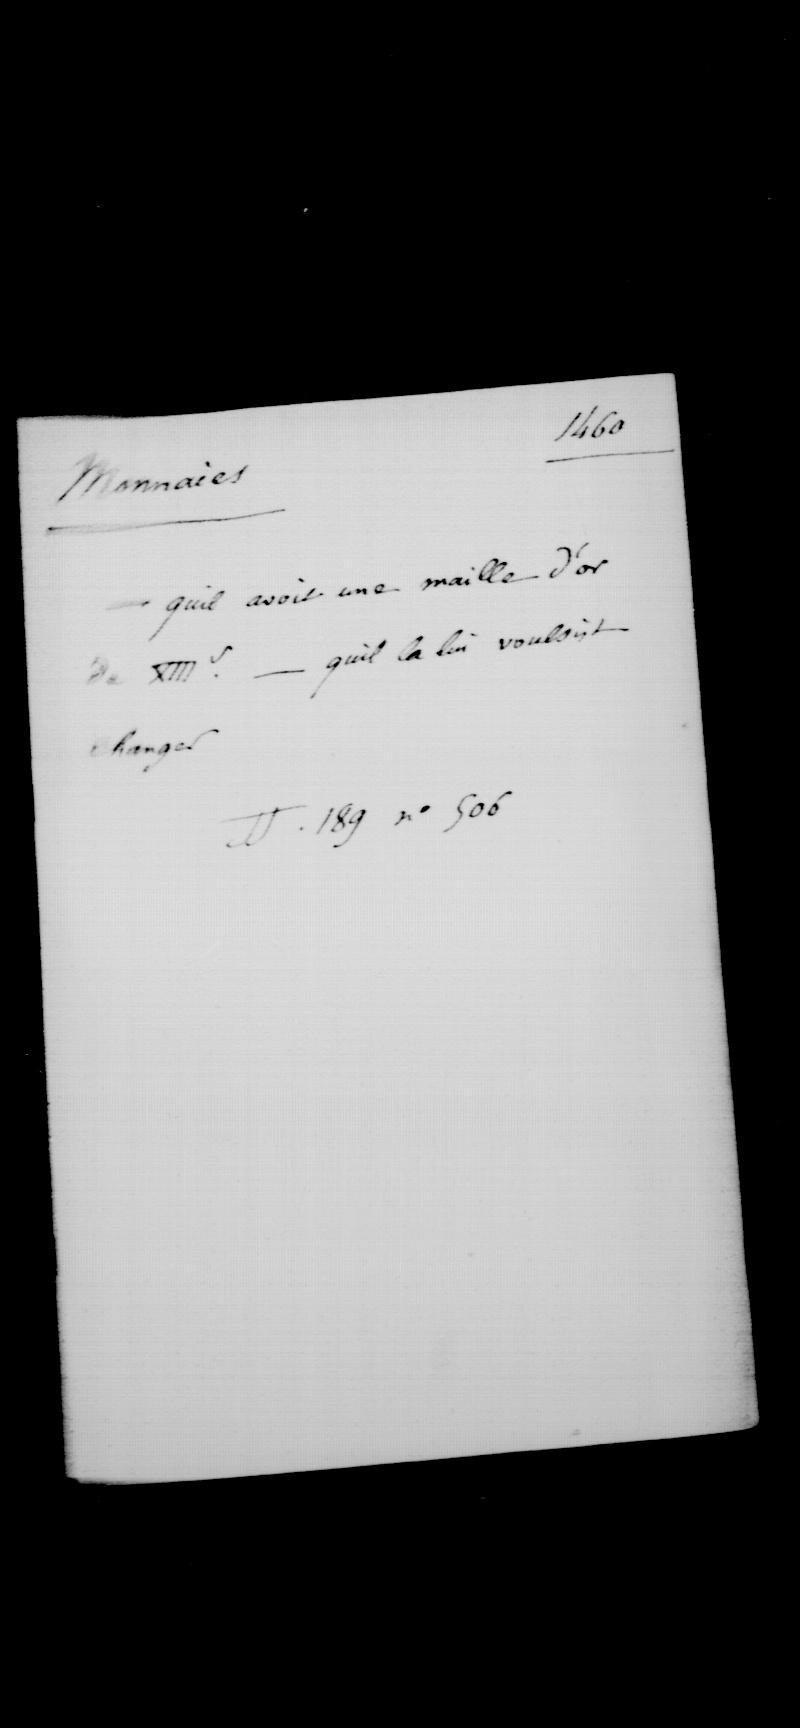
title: Monnaies
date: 1460
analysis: - quil avoit une maille d'or de XIII l. - quil la lui vouloist changer
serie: JJ
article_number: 189
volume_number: n° 506
